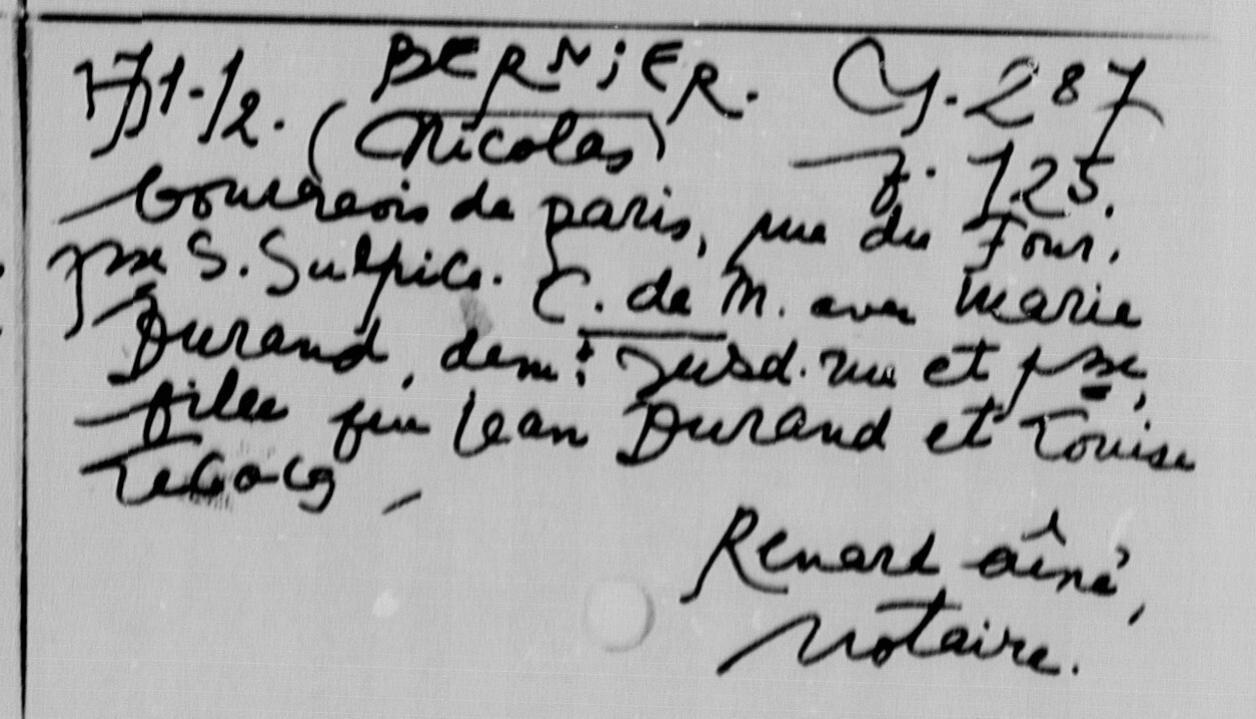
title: BERNIER (Nicolas)
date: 1711-1712
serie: Y
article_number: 287
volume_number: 125
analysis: Bourgeois de Paris, rue du Four, paroisse Saint-Sulpice. Contrat de mariage avec Marie Durand, demeurant susdites rue et paroisse, fille feu Jean Durand et Louise Lecocq. Renard aîné, notaire.
